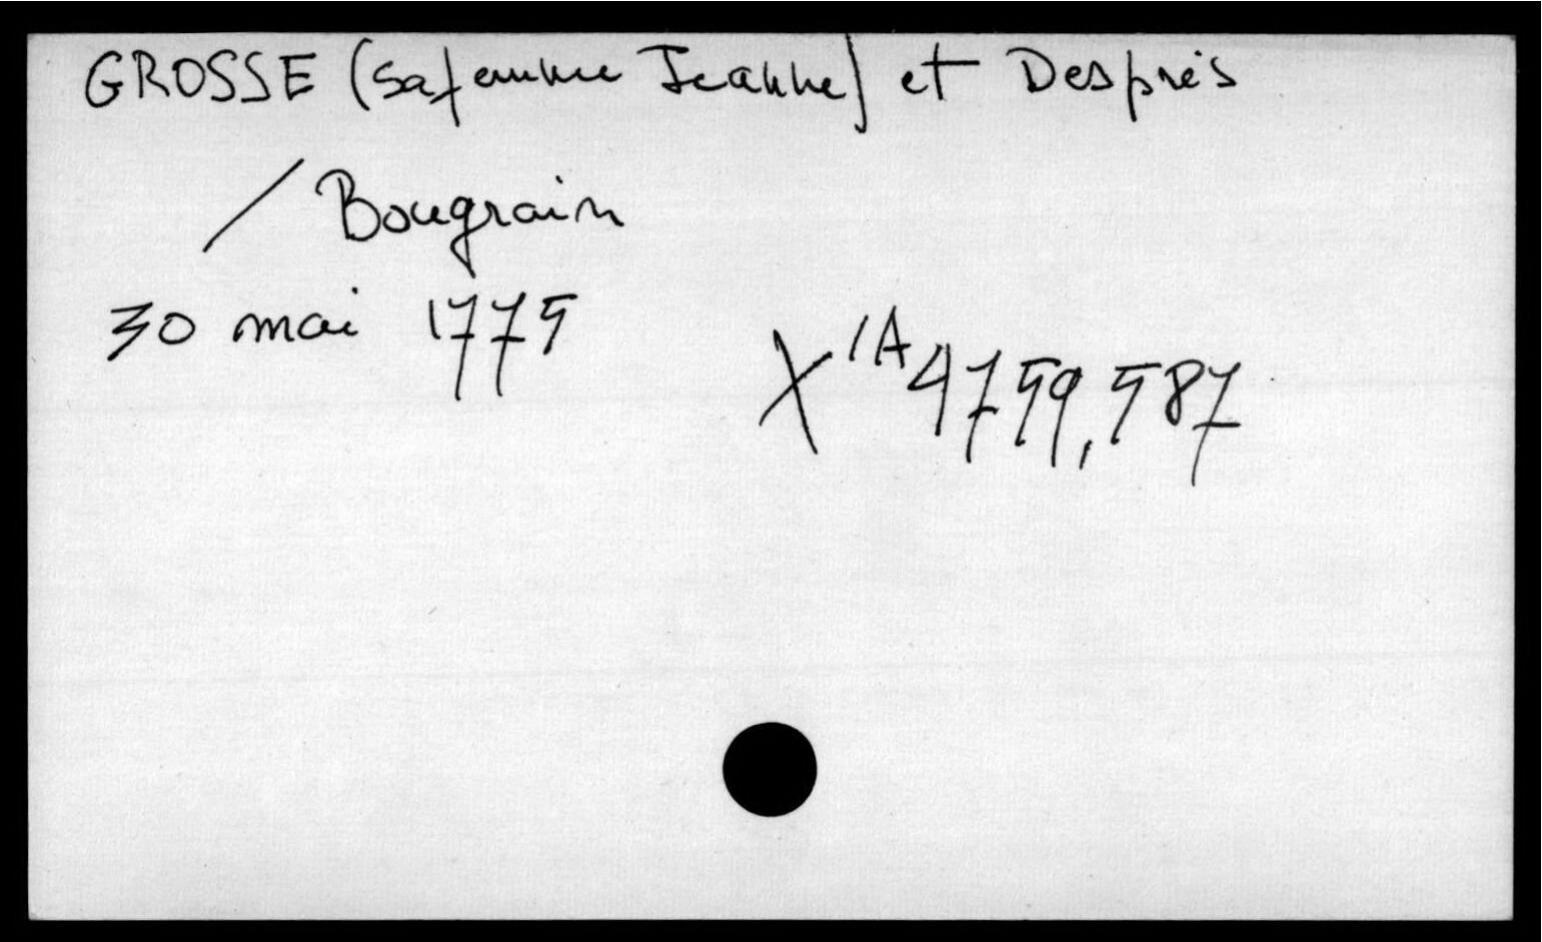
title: GROSSE (sa femme Jeanne) et Després
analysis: Contre Bougrain
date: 30 mai 1775
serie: X1A
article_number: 4759
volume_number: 587
